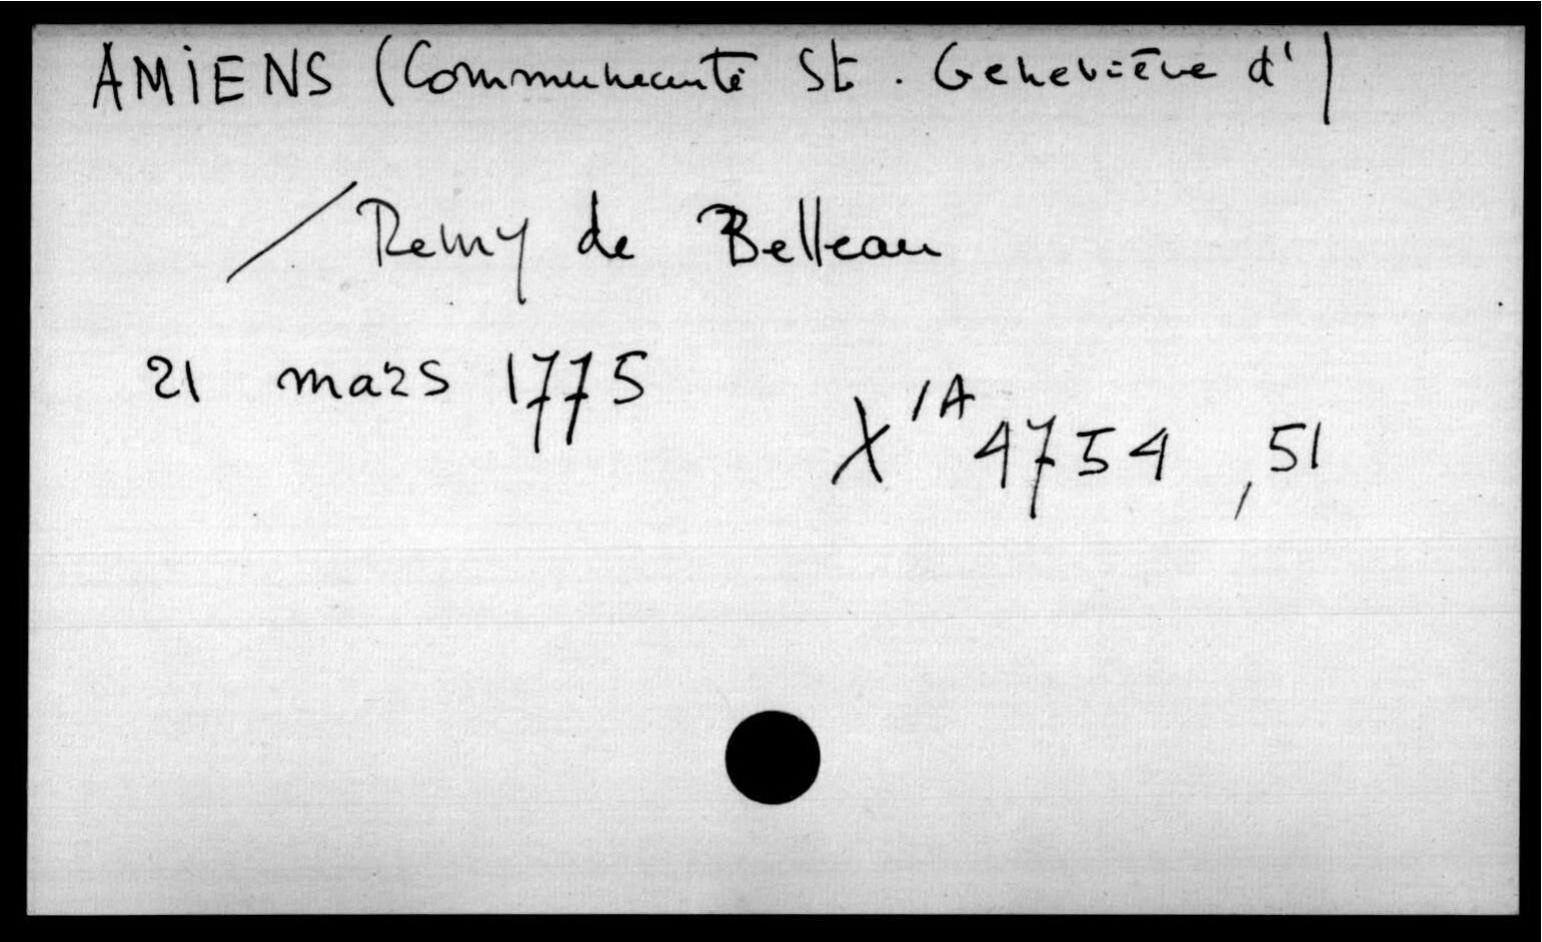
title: AMIENS (communauté Saint-Geneviève d')
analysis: Contre Remy de Belleau
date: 21 mars 1775
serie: X1A
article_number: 4754
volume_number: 51
